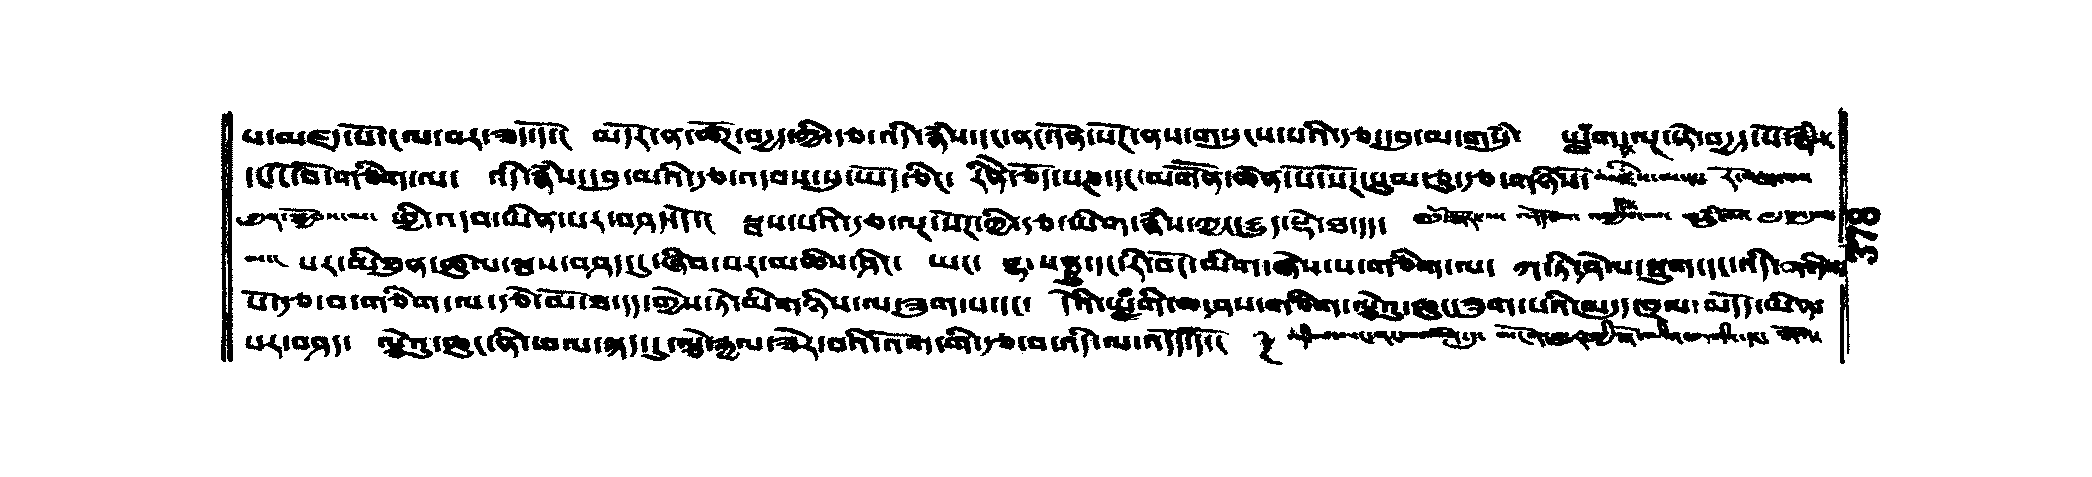པ་མཛད་པ་པོ་ངལ་བར་ཟད་དོ། མདོར་ན་ཚོགས་བརྒྱད་ཀྱི་རྩ་འདི་རྣམས་དང་ནང་དོན་སོགས་ནས་གསུངས་པའི་རྩ་དབུ་མ་གསུམ། བདུད་འདུལ་མ།ལྔ་སྟེ་བརྒྱད་པོ་རྣམས་
དང་ངོ་བོ་གཅིག་ལ། འདི་རྣམས་དབུ་མའི་རྩ་འདབས་སུ་ཡོད་ཅིང་། རིན་ཆེན་ཅོད་པཎ་དང་མགོན་པོ་ཆེན་པོ་སོགས་སུམ་ཅུ་རྩ་གཉིས་སོ། 
ཀུན་སྐྱབས་ལ་ ཕྱི་འདབ་ཡིན་པར་བཤད་དོ། སྦས་པའི་རྩ་ལྔ་སོགས་ཀྱི་རྩ་ཡིག་རྣམས་ཀྱང་རྒྱུད་སྡེ་ཐ་དད་
མ་ པར་མི་མཐུན་ཚུལ་སྦས་བཤད་དུ་ཞིབ་པར་མཆིས་ཤིང་། ཡང་། བྷ་སནྟུ་དང་རི་བོང་མིག་ཞེས་པ་གཅིག་ལ། ཀ་ཏི་ཤེལ་སྦྱག་དང་འདི་གཉིས་
པོ་རྩ་བ་གཅིག་ལ་རྩེ་མོ་ཐ་དད་གྱེས་ཏེ་མིག་གཉིས་ལ་ཟུག་པ་དང་། དེའི་ཡན་ལག་གི་ཆ་ཤས་གཅིག་ལྕེའུ་ཆུང་ཟུག་པའི་མདུད་བྲལ་མ་དེ་ཡིན་
པར་བཤད། ལྕེའུ་ཆུང་ནི་ཕལ་སྐད་དུ་ལྕེ་རྐྱལ་ཟེར་བའི་འོག་གི་རྩ་བ་འདི་ལ་འདོད་དོ།